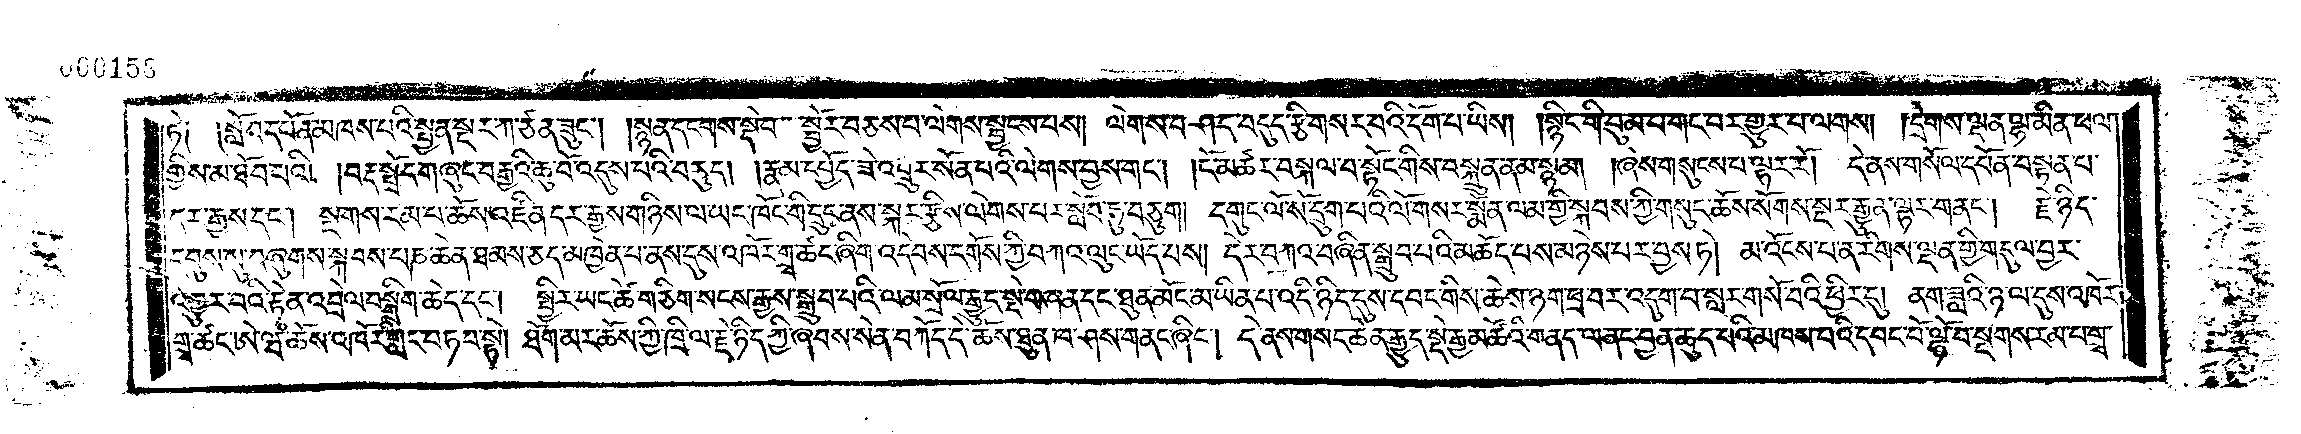ཏེ༑ ༑སློབ་དཔོན་མཁས་པའི་སྤྱན་སྔར་ཀ་ཙན་ཟུང་། །སྙན་དངགས་སྡེབ་སྦྱོར་བཅས་པ་ལེགས་སྦྱངས་པས། ལེགས་བཤད་བདུད་རྩི་གསར་བའི་དོག་པ་ཡིས། །སྙིང་གི་བུམ་པ་གང་བར་གྱུར་པ་ལགས། །དྲེགས་ལྡན་ལྷ་མིན་ཕལ་
གྱིས་མ་ཐོབ་པའི། །བརྡ་སྤྲོད་གཞུང་བརྒྱའི་ཆུ་པོ་འདུས་པའི་བཅུད། །རྣམ་དཔྱོད་ཟེ་འྤྲུར་སོན་པའི་ལེགས་བྱས་གང་། །ངོ་མཚར་བསྐལ་བ་སྟོང་གིས་བསྐྲུན་ནམ་སྙམ། །ཞེས་གསུངས་པ་ལྟར་རོ། །དེ་ནས་གསོལ་དཔོན་བསྟན་པ་
དར་རྒྱས་དང་། སྔགས་རམ་པ་ཆོས་འཛིན་དར་རྒྱས་གཉིས་ལ་ཡང་ཁོང་གི་དྲུང་ནས་སྐར་རྩིས་ལེགས་པར་སློབ་ཏུ་བཅུག། དགུང་ལོ་སོ་དྲུག་པའི་ལོ་གསར་སྨོན་ལམ་གྱི་སྐབས་ཀྱི་གསུང་ཆོས་སོགས་སྔར་རྒྱུན་ལྟར་གནང་། རྗེ་ཉིད་
དབུས་སུ་བཞུགས་སྐབས་པཎ་ཆེན་ཐམས་ཅད་མཁྱེན་པ་ནས་དུས་འཁོར་གྲྭ་ཚང་ཞིག་འདེབས་དགོས་ཀྱི་བཀའ་ལུང་ཡོད་པས། དེར་བཀའ་བཞིན་སྒྲུབ་པའི་མཆོད་པས་མཉེས་པར་བྱས་ཏེ། མ་འོངས་པ་ན་རིགས་ལྡན་གྱི་གདུལ་བྱར་
འགྱུར་བའི་རྟེན་འབྲེལ་བསྒྲིག་ཆེད་དང་། སྤྱིར་ཡང་ཚེ་གཅིག་སངས་རྒྱས་སྒྲུབ་པའི་ལམ་སྲོལ་རྒྱུད་སྡེ་གཞན་དང་ཐུན་མོང་མ་ཡིན་པ་འདི་ཉིད་དུས་དབང་གིས་ཆེས་ཉག་ཕྲ་བར་འདུག་པ་སླར་གསོ་བའི་ཕྱིར་དུ། ནག་ཟླའི་ཉལ་དུས་འཁོར་
གྲྭ་ཚར་ཨེ་ཝཾ་ཆོས་འཁོར་གླིང་བཏབ་སྟེ། ཐོག་མར་ཆོས་ཀྱི་ཁྲི་ལ་རྗེ་ཉིད་ཀྱི་ཞབས་སེན་བཀོད་དེ་ཆོས་ཐུན་ཁ་ཤས་གནང་ཞིང་། དེ་ནས་གསང་ཆེན་རྒྱུད་སྡེ་རྒྱ་མཚོའི་གནད་ལ་ནང་བྱན་ཆུང་པའི་མཁས་པའི་དབང་པོ་ལྷོ་བ་སྔགས་རམ་པ་གྲྭ་